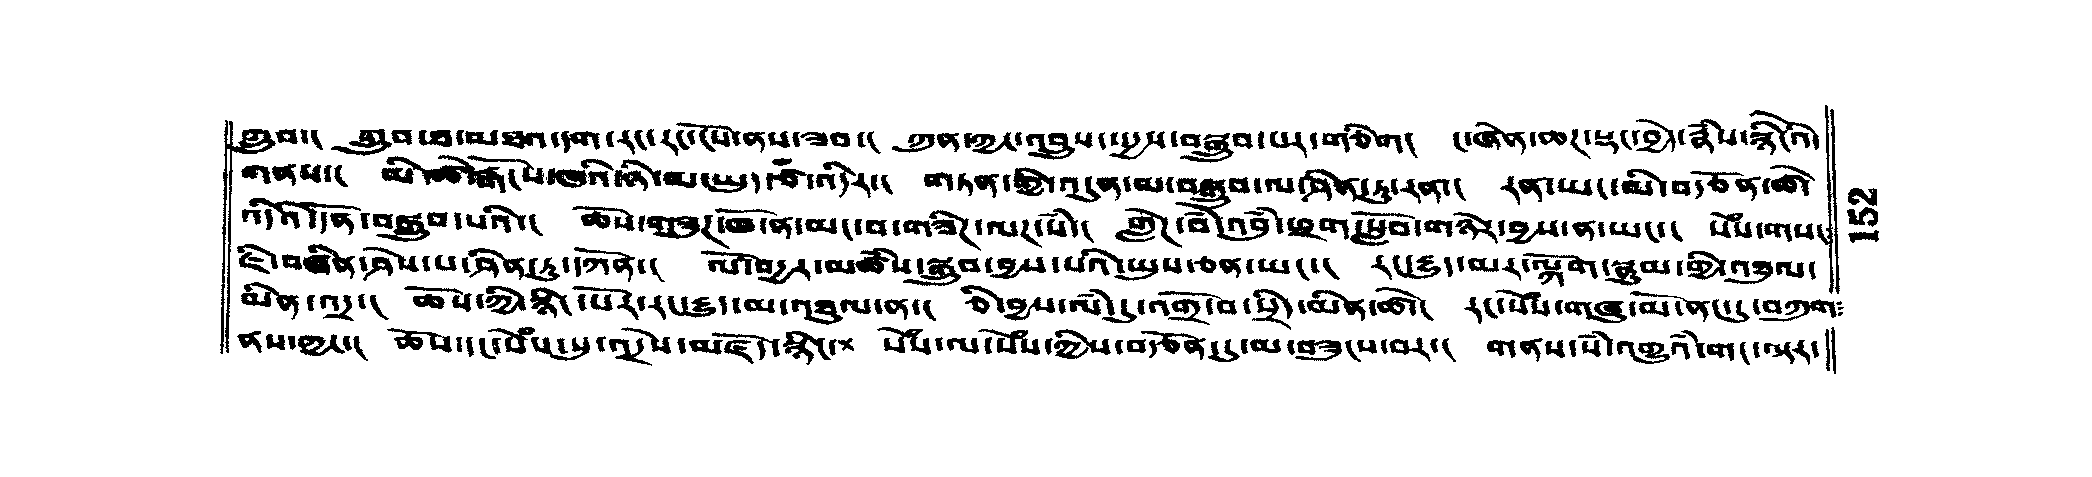གྲུབ། །གྲུབ་མཐའ་མཐའ་དག་རང་རང་ངོས་ནས་ཟབ། །ཀུན་ཀྱང་འབྲས་བུ་སངས་རྒྱས་བསྒྲུབ་པར་གཅིག །ང་ཞེན་ཆགས་སྡང་བྱེད་རྣམས་སྙིང་རྗེའི་
གནས། །མི་ཚེ་དགོངས་ཁའི་ཉི་མ་ཡུད་ཙམ་འདིར། གཏན་གྱི་འདུན་མ་བསྒྲུབ་ལ་ཤིན་ཏུ་རན། །རང་ཡང་མི་བརྩོན་ཚེ་
འདིའི་དོན་བསྒྲུབ་པའི། །ཆོས་གཟུགས་ཁོ་ན་མང་བ་གཟིགས་ལགས་སམ། །གླེགས་བམ་འབུམ་ཕྲག་སློབ་གཉེར་བྱས་ན་ཡང་། །སེམས་གསང་
ཇི་བཞིན་ཤེས་པ་ཤིན་ཏུ་དཀོན། །ལོ་བརྒྱར་མཚམས་སྒྲུབ་བྱས་པའི་ཡུས་ཅན་ཡང་། །རང་རྒྱུད་མར་ལྐོག་སྣུམ་གྱི་འཐུལ་
མིན་འདྲ། །ཆོས་ཀྱི་སྙིང་པོར་རང་རྒྱུད་མ་འཐུལ་ན། །ཅི་བྱས་ལམ་དུ་འགྲོ་བ་སྲིད་མིན་ཚེ། །རང་སེམས་གཞུ་མོ་ནང་དུ་བཀུག་
ནས་ཀྱང་། །ཆོས་དང་སེམས་སུ་འདྲེས་མཛོད་སྙིང༴ །སེམས་ལ་སེམས་ཀྱིས་བརྩོན་དུ་མ་བཟུངས་བར། །གནས་སམ་འགྱུའམ་གང་ལྟར་